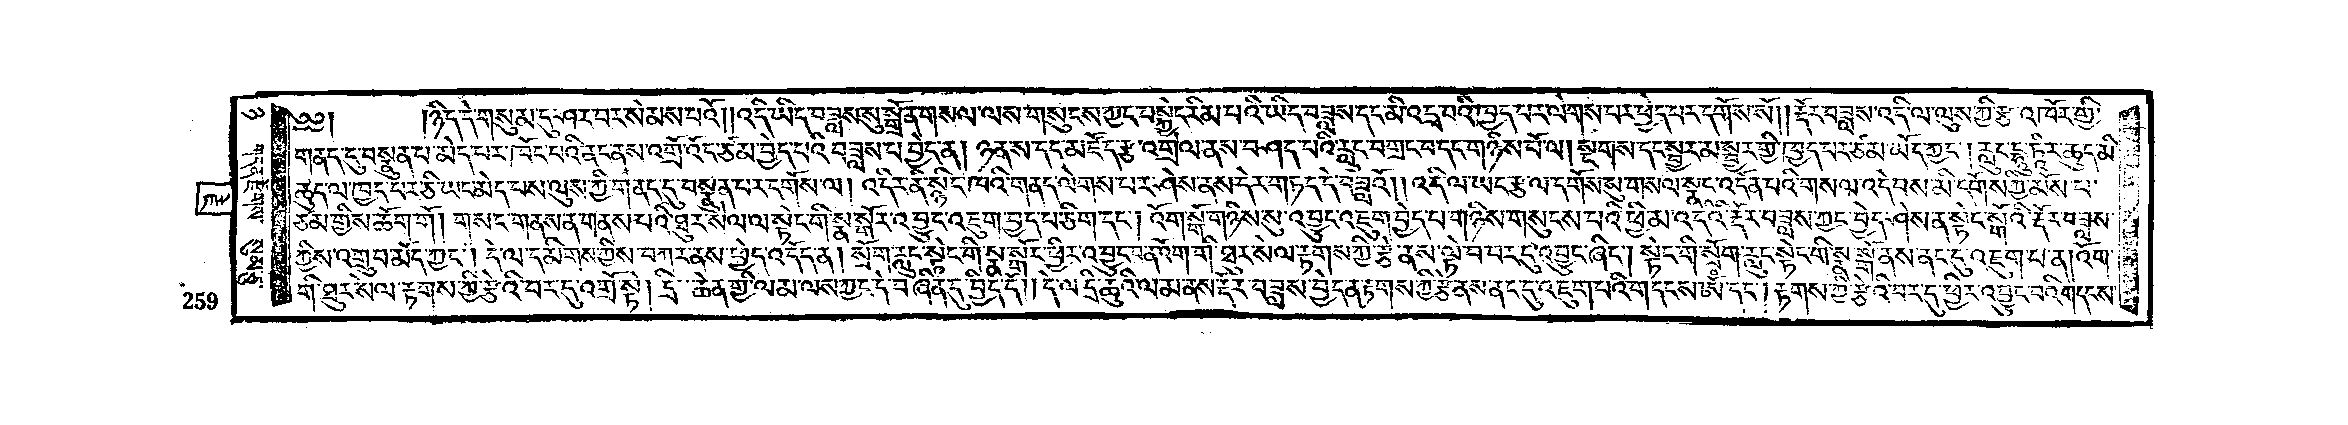༄༅། །ཉིད་དེ་གསུམ་དུ་ཤར་བར་སེམས་པའོ། །འདི་ཡིད་བཟླས་སུ་སྒྲོན་གསལ་ལས་གསུངས་ཀྱང་བསྐྱེད་རིམ་པའི་ཡིད་བཟླས་དང་མི་འདྲ་བའི་ཁྱད་པར་ལེགས་པར་ཕྱེད་པར་དགོས་སོ། །རྡོར་བཟླས་འདི་ལ་ལུས་ཀྱི་རྩ་འཁོར་གྱི་
གནད་དུ་བསྣུན་པ་མེད་པར་ཁོང་པའི་ནང་ནས་འགྲོ་འོད་ཙམ་བྱེད་པའི་བཟླས་པ་བྱེད་ན། ཉན་ས་དང་མཛོད་རྩ་འགྲེལ་ནས་བཤད་པའི་རླུང་བགྲང་བ་དང་གཉིས་པོ་ལ། སྔགས་དང་སྦྱར་མ་སྦྱར་གྱི་ཁྱད་པར་ཙམ་ཡོད་ཀྱང་། རླུང་དྷཱུ་ཏཱིར་ཚུད་མི་
ཚུད་ལ་ཁྱད་པར་ཅི་ཡང་མེད་པས་ལུས་ཀྱི་གནང་དུ་བསྣུན་པར་དགོས་ལ། འདིར་ནི་སྙིང་ཁའི་གནད་ལེགས་པར་ཤེས་ནས་དེར་གཏད་དེ་བཟླའོ། །འདི་ལ་ཡང་རྩལ་དགོས་སུ་གསལ་སྣང་འདོན་པའི་གསལ་འདེབས་མི་དགོས་ཀྱི་མོས་པ་
ཙམ་གྱིས་ཆོག་གོ །གསང་གནས་ན་གནས་པའི་ཐུར་སེལ་ལ་སྟེང་གི་སྣ་སྒོར་འབྱུང་འཇུག་བྱད་པ་ཅིག་དང་། འོག་སྒོ་གཉིས་སུ་འབྱུང་འཇུག་བྱེད་པ་གཉིས་གསུངས་པའི་ཕྱི་མ་འདིའི་རྡོར་བཟླས་ཀྱང་བྱེད་ཤེས་ན་སྟེང་སྒོའི་རྡོར་བཟླས་
ཀྱིས་འགྲུབ་མོད་ཀྱང་། དེ་ལ་དམིགས་ཀྱིས་བཀར་ནས་ཕྱེད་འདོད་ན། སྲོག་རླུང་སྟེང་གི་སྣ་སྒོར་ཕྱིར་འབྱུང་བ་ན་འོག་གི་ཐུར་སེལ་རྟགས་ཀྱི་རྩེ་ནས་ལྟེ་བ་བར་དུ་འབྱུང་ཞིང་། སྟེང་གི་སྲོག་རླུང་སྟེང་གི་སྣ་སྒོ་ནས་ནང་དུ་འཇུག་པ་ན། འོག་
གི་ཐུར་སེལ་རྟགས་ཀྱི་རྩེའི་བར་དུ་འགྲོ་སྟེ། དྲི་ཆེན་གྱི་ལམ་ལས་ཀྱང་དེ་བཞིན་དུ་བྱེད་དོ། །དེ་ལ་དྲི་ཆུའི་ལམ་ནས་རྡོར་བཟླས་བྱེད་ན་རྟགས་ཀྱི་རྩེ་ནས་ནང་དུ་འཇུག་པའི་གདངས་ཨོཾ་དང་། རྟགས་ཀྱི་རྩེའི་བར་དུ་ཕྱིར་འབྱུང་བའི་གདངས་